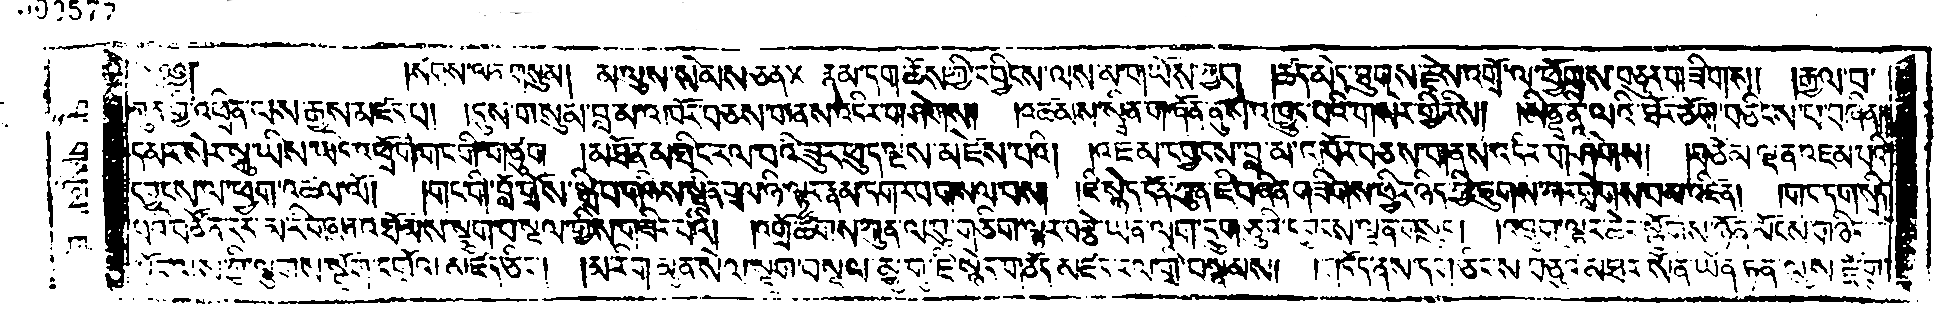༄༅། ། སོགས་ལན་གསུམ།  མ་ལུས་སེམས་ཅན྾་རྣམ་དག་ཆོས་ཀྱི་དབྱིངས་ལས་མ་གཡོས་ཀྱང་། །ཚད་མེད་ཐུགས་རྗེས་འགྲོ་ལ་ཕྱོགས་བཅུར་གཟིགས། །རྒྱལ་བ་
ཀུན་གྱི་འཕྲིན་ལས་རྒྱས་མཛད་པ། །དུས་གསུམ་བླ་མ་འཁོར་བཅས་གནས་འདིར་གཤེགས། །འཚམས་སྤྲིན་གཞོན་ནུས་འཁྱུད་པའི་གསེར་གྱི་རིས། །ཨིནྡྲ་ནཱི་ལའི་ཐོར་ཅོག་བཅིངས་པ་བཞིན། །
དམར་སེར་སྐུ་ཡིས་ཡིད་འཕྲོག་གང་གི་གཙུག །མཐོན་མཐིང་རལ་བའི་ཟུར་ཕུད་ལྔས་མཛེས་པའི། །འཇམ་དབྱངས་བླ་མ་འཁོར་བཅས་གནས་འདིར་གཤེགས། །བཅོམ་ལྡན་འཇམ་པའི་
༢དབྱངས་ལ་ཕྱག་འཚལ་ལོ། །གང་གི་བློ་གྲོས་སྒྲིབ་གཉིས་སྤྲིན་བྲལ་ཉི་ལྟར་རྣམ་དག་རབ་གསལ་བས། །ཇི་སྙེད་དོན་ཀུན་ཇི་བཞིན་གཟིགས་ཕྱིར་ཉིད་ཀྱི་ཐུགས་ཀར་གླེགས་བམ་འཛིན། །གང་དག་སྲིད་
པའི་བཙོན་རར་མ་རིག་མུན་འཐོམས་སྡུག་བསྔལ་གྱིས་གཟིར་བའི། །འགྲོ་ཚོགས་ཀུན་ལ་བུ་གཅིག་ལྟར་བརྩེ་ཡན་ལག་དྲུག་ཅུའི་དབྱངས་ལྡན་གསུང་། །འབྲུག་ལྟར་ཆེར་སྒྲོགས་ཉོན་མོངས་གཉིད་
སློང་ལས་ཀྱི་ལྕགས་སྒྲོག་དགྲོལ་མཛད་ཅིང་། །མ་རིག་མུན་སེལ་སྡུག་བསྔལ་མྱུ་གུ་ཇི་སྙེད་གཅོད་མཛད་རལ་གྲི་བསྣམས། །གདོད་ནས་དག་ཅིང་ས་བཅུའི་མཐར་སོན་ཡོན་ཏན་ལུས་རྫོགས་